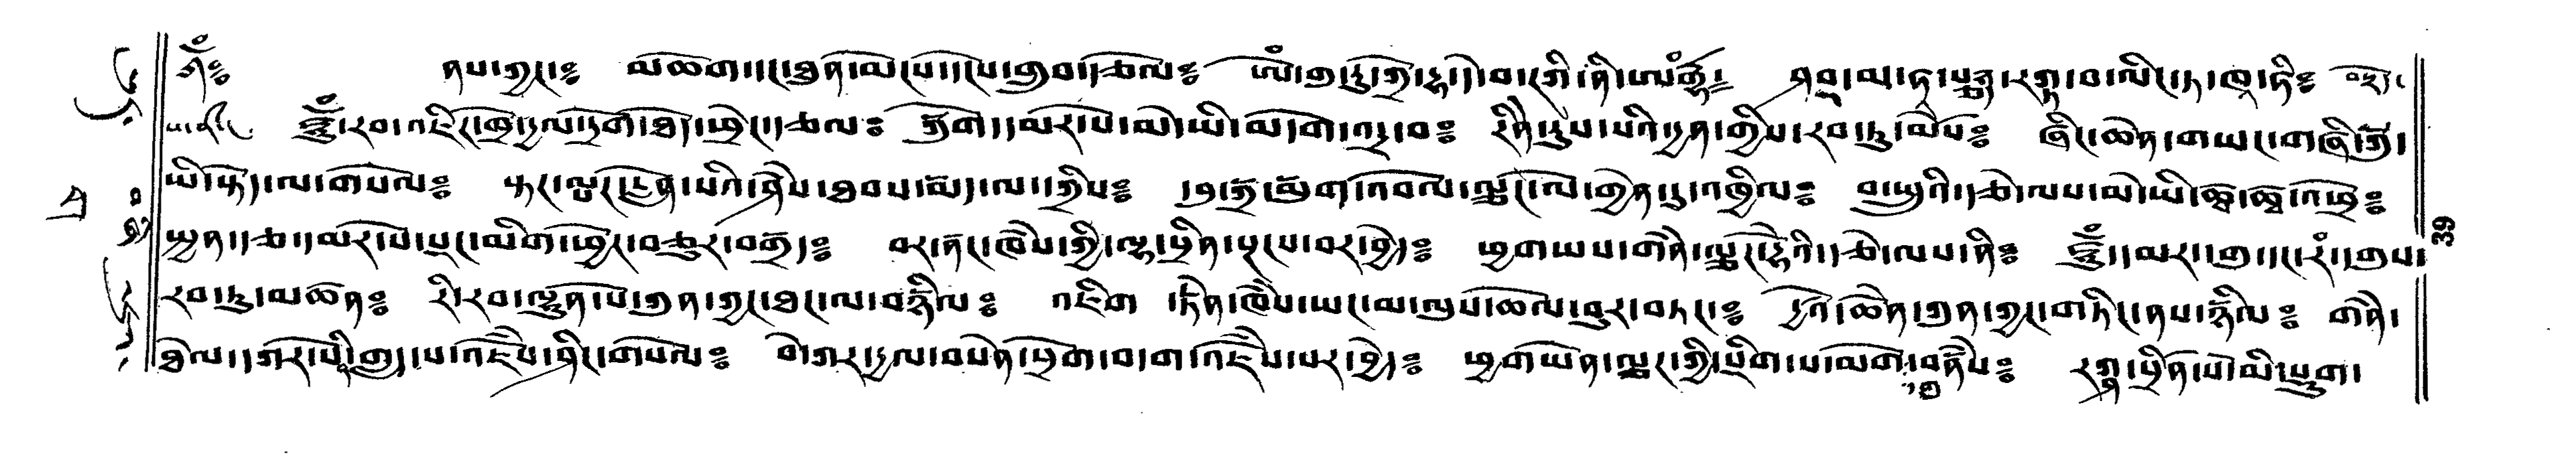ནས་ཀྱང༔ མཆོག་དང་ཐུན་མོང་དངོས་གྲུབ་སྩོལ༔ ཨོཾ་གུ་རུ་ཀྲོ་དྷ་དེ་བ་ཌཀྐི་ནི་ཨརྒྷཾ༴ ཤབྡ་མ་ཧ་པཉྩ་རཀྟ་བ་ལིང་ཏ་ཁཱ་ཧི༔ བསྟོད་
པ་ནི། ཧཱུྃ༔རབ་འཇིགས་ཁྲོ་རྒྱལ་དྲག་པོ་ཐོད་ཕྲེང་རྩལ༔ སྐུ་མདོག་དམར་པོ་མེ་ཡི་མདོག་འདྲ་བ༔ རིན་ཆེན་རུས་པའི་རྒྱན་གྱིས་རབ་ཏུ་མཛེས༔ ཞིང་ཆེན་གཡང་གཞི་སྐུ་
ཡི་སྟོད་ལ་གསོལ༔ སྟགས་ལྤགས་རློན་པའི་ཤམ་ཐབས་སྨད་ལ་དཀྲིས༔ དབུ་སྐྲ་སྨུག་འབོལ་ལྕང་ལོ་གྱེན་དུ་འཁྱིལ༔བ་སྤུའི་རྩེ་ལས་མེ་ཡི་ཚྭ་ཚྭ་འཕྲོ༔ 
སྤྱན་རྩ་དམར་པོ་སྡང་མིག་ཕྱོགས་བཅུར་བསྒྲད༔ བར་སྣང་ཁམས་ཀྱི་ལྷ་སྲིན་སྔངས་བར་བྱེད༔ ཕྱག་གཡས་གནམ་ལྕགས་རྡོ་རྗེའི་རྩེ་ལས་ནི༔ ཧཱུྃ་དམར་དགུ་དང་རྃ་དགུས་
རབ་ཏུ་མཚན༔ རི་རབ་ལྷུན་པོ་ཀུན་ཀྱང་ཐང་ལ་སྙིལ༔ འཇིག་རྟེན་ཁམས་ཀྱང་མ་ལུས་ཆོལ་བུར་གཏོང༔ རྒྱ་མཚོ་ཆེན་པོ་ཀུན་ཀྱང་གཏིང་ནས་སྙིལ༔ གནམ་
ཐེལ་དཀར་པོའི་ཀླད་པ་འཇོམས་ཤིང་གསོལ༔ པེ་ཀར་རྒྱལ་བསེན་སྲོག་བདག་འཇོམས་པར་བྱེད༔ ཕྱག་གཡོན་ལྕགས་ཀྱི་སྡིག་པ་མགོ་དགུ་བསྣམས༔ རཀྴ་སྲིན་པཽ་མི་སྡུག་